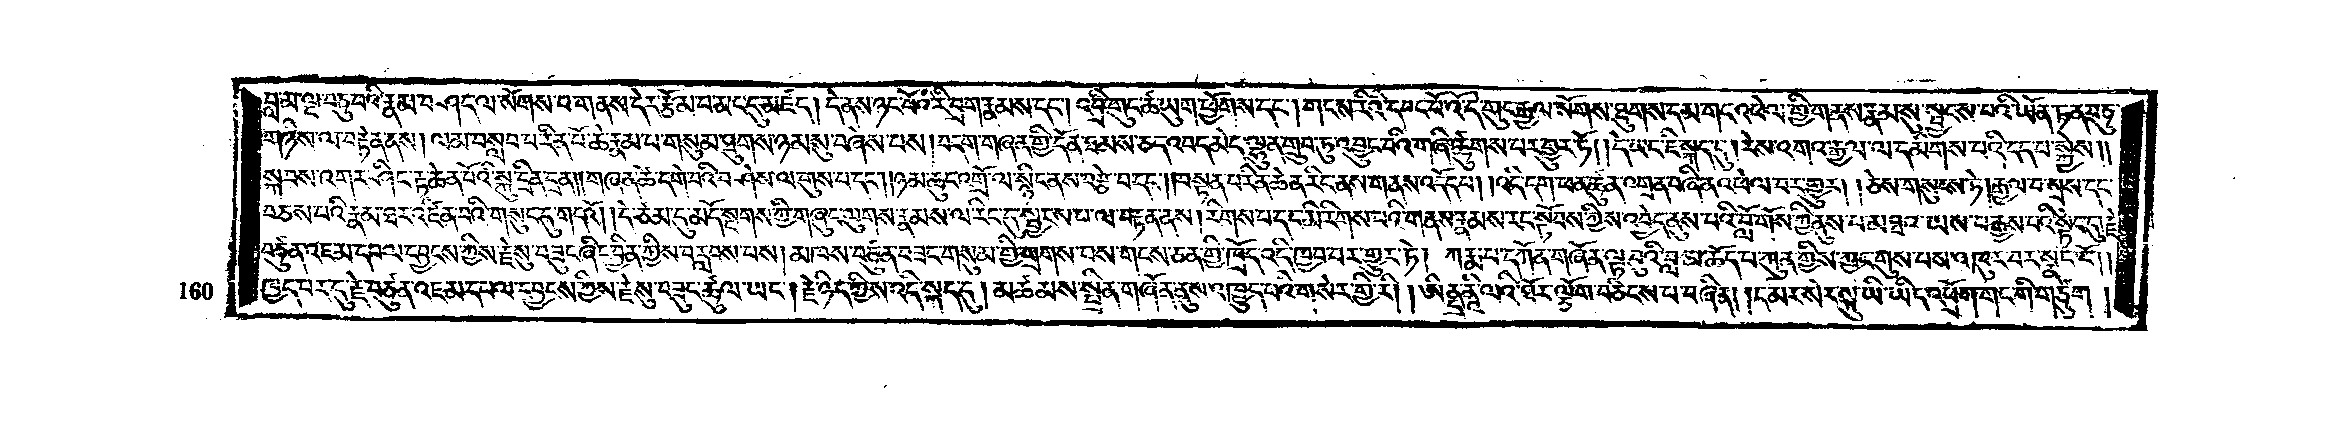བླ་མ་ལྔ་བཅུ་བའི་རྣམ་བཤད་ལ་སོགས་པ་གནས་དེར་རྩོམ་པ་མང་དུ་མཛད། དེ་ནས་ཉང་པོའི་རི་བྲག་རྣམས་དང་། འབྲི་གུང་ཚ་ཡུག་ཕྱོགས་དང་། གངས་རིའི་དབང་པོ་འོ་དེ་གུང་རྒྱལ་སོགས་ཐུགས་དམ་གང་འཕེལ་གྱི་གནས་རྣམས་སུ་སྦྱངས་པའི་ཡོན་ཏན་བཅུ་
གཉིས་ལ་བརྟེན་ནས། ལམ་བསླབ་པ་རིན་པོ་ཆེ་རྣམ་པ་གསུམ་ཐུགས་ཉམས་སུ་བཞེས་པས། བདག་གཞན་གྱི་དོན་ཐམས་ཅད་འབད་མེད་ལྷུན་གྲུབ་ཏུ་འབྱུང་བའི་གཞི་ཚུགས་པར་གྱུར་ཏོ། །དེ་ཡང་ཇི་སྐད་དུ། རེས་འགའ་རྒྱལ་ལ་དམིགས་པའི་དད་པ་སྐྱེས།།
སྐབས་འགར་ཤིང་རྟ་ཆེན་པོའི་སྐུ་དྲིན་དྲན། །གཞན་ཚེ་དགེ་བའི་བཤེས་ལ་གུས་པ་དང་། །ཉམ་ཆུང་འགྲོ་ལ་སྙིང་ནས་བརྩེ་བ་དང་། །བསྟན་པ་རིན་ཆེན་རིང་ནས་གནས་འདོད་པ། །འདི་དག་ཕན་ཚུན་འགྲན་བཞིན་འཕེལ་བར་གྱུར། །ཅེས་གསུངས་ཏེ། རྒྱལ་བ་སྲས་དང་
བཅས་པའི་རྣམ་ཐར་འཛིན་པའི་གསུང་དུ་གདའོ། །དེ་ཙམ་དུ་མདོ་སྔགས་ཀྱི་གཞུང་ལུགས་རྣམས་ལ་རིང་དུ་སྦྱངས་པ་ལ་བརྟན་ནས། རིགས་པ་དང་མི་རིགས་པའི་གནས་རྣམས་རང་སྟོབས་ཀྱིས་འབྱེད་ནུས་པའི་བློ་གོས་ཀྱི་ནུས་པ་མཐའ་ཡས་པ་རྒྱས་པའི་སྟེང་དུ། རྗེ་
བཙུན་འཇམ་དཔལ་དབྱངས་ཀྱིས་རྗེས་སུ་བཟུང་ཞིང་བྱིན་གྱིས་བརླབས་པས། མཁས་བཙུན་བཟང་གསུམ་གྱི་གྲགས་པས་གངས་ཅན་གྱི་ཁྲོད་འདི་ཁྱབ་པར་གྱུར་ཏེ། ཀརྨ་པ་དཀོན་གཞོན་ལྟ་བུའི་བླ་མ་ཆོད་པ་ཀུན་གྱིས་ཀྱང་གུས་པས་འཁུར་བར་སྣང་ངོ། །
ཁྱད་པར་དུ་རྗེ་བཙུན་འཇམ་དཔལ་དབྱངས་ཀྱིས་རྗེས་སུ་བཟུང་ཚུལ་ཡང་། རྗེ་ཉིད་ཀྱིས་འདི་སྐད་དུ། མཚམས་སྤྲིན་གཞོན་ནུས་འཁྱུད་པའི་གསེར་གྱི་རི། །ཨིནྡྲ་ནཱི་ལའི་ཐོར་ལྕོག་བཅིངས་པ་བཞིན། །དམར་སེར་སྐུ་ཡི་ཡིད་འཕྲོག་གང་གི་གཙུག །